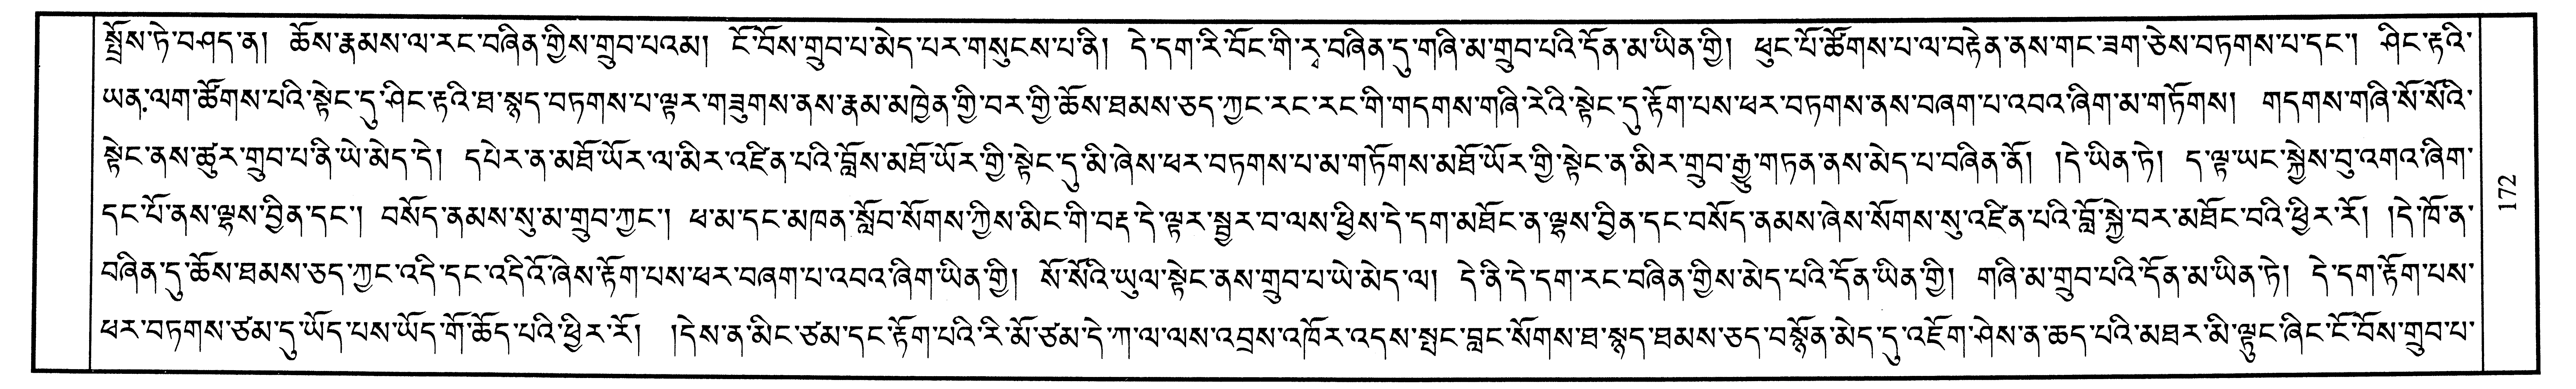སྤྲོས་ཏེ་བཤད་ན། ཆོས་རྣམས་ལ་རང་བཞིན་གྱིས་གྲུབ་པའམ། ངོ་བོས་གྲུབ་པ་མེད་པར་གསུངས་པ་ནི། དེ་དག་རི་བོང་གི་རྭ་བཞིན་དུ་གཞི་མ་གྲུབ་པའི་དོན་མ་ཡིན་གྱི། ཕུང་པོ་ཚོགས་པ་ལ་བརྟེན་ནས་གང་ཟག་ཅེས་བཏགས་པ་དང་། ཤིང་རྟའི་
ཡན་ལག་ཚོགས་པའི་སྟེང་དུ་ཤིང་རྟའི་ཐ་སྙད་བཏགས་པ་ལྟར་གཟུགས་ནས་རྣམ་མཁྱེན་གྱི་བར་གྱི་ཆོས་ཐམས་ཅད་ཀྱང་རང་རང་གི་གདགས་གཞི་རེའི་སྟེང་དུ་རྟོག་པས་ཕར་བཏགས་ནས་བཞག་པ་འབའ་ཞིག་མ་གཏོགས། གདགས་གཞི་སོ་སོའི་
སྟེང་ནས་ཚུར་གྲུབ་པ་ནི་ཡེ་མེད་དེ། དཔེར་ན་མཐོ་ཡོར་ལ་མིར་འཛིན་པའི་བློས་མཐོ་ཡོར་གྱི་སྟེང་དུ་མི་ཞེས་ཕར་བཏགས་པ་མ་གཏོགས་མཐོ་ཡོར་གྱི་སྟེང་ན་མིར་གྲུབ་རྒྱུ་གཏན་ནས་མེད་པ་བཞིན་ནོ། །དེ་ཡིན་ཏེ། ད་ལྟ་ཡང་སྐྱེས་བུ་འགའ་ཞིག་
དང་པོ་ནས་ལྷས་བྱིན་དང་། བསོད་ནམས་སུ་མ་གྲུབ་ཀྱང་། ཕ་མ་དང་མཁན་སློབ་སོགས་ཀྱིས་མིང་གི་བརྡ་དེ་ལྟར་སྦྱར་བ་ལས་ཕྱིས་དེ་དག་མཐོང་ན་ལྷས་བྱིན་དང་བསོད་ནམས་ཞེས་སོགས་སུ་འཛིན་པའི་བློ་སྐྱེ་བར་མཐོང་བའི་ཕྱིར་རོ། །དེ་ཁོ་ན་
བཞིན་དུ་ཆོས་ཐམས་ཅད་ཀྱང་འདི་དང་འདིའོ་ཞེས་རྟོག་པས་ཕར་བཞག་པ་འབའ་ཞིག་ཡིན་གྱི། སོ་སོའི་ཡུལ་སྟེང་ནས་གྲུབ་པ་ཡེ་མེད་ལ། དེ་ནི་དེ་དག་རང་བཞིན་གྱིས་མེད་པའི་དོན་ཡིན་གྱི། གཞི་མ་གྲུབ་པའི་དོན་མ་ཡིན་ཏེ། དེ་དག་རྟོག་པས་
ཕར་བཏགས་ཙམ་དུ་ཡོད་པས་ཡོད་གོ་ཆོད་པའི་ཕྱིར་རོ། །དེས་ན་མིང་ཙམ་དང་རྟོག་པའི་རི་མོ་ཙམ་དེ་ཀ་ལ་ལས་འབྲས་འཁོར་འདས་སྤང་བླང་སོགས་ཐ་སྙད་ཐམས་ཅད་བསྙོན་མེད་དུ་འཇོག་ཤེས་ན་ཆད་པའི་མཐར་མི་ལྟུང་ཞིང་ངོ་བོས་གྲུབ་པ་